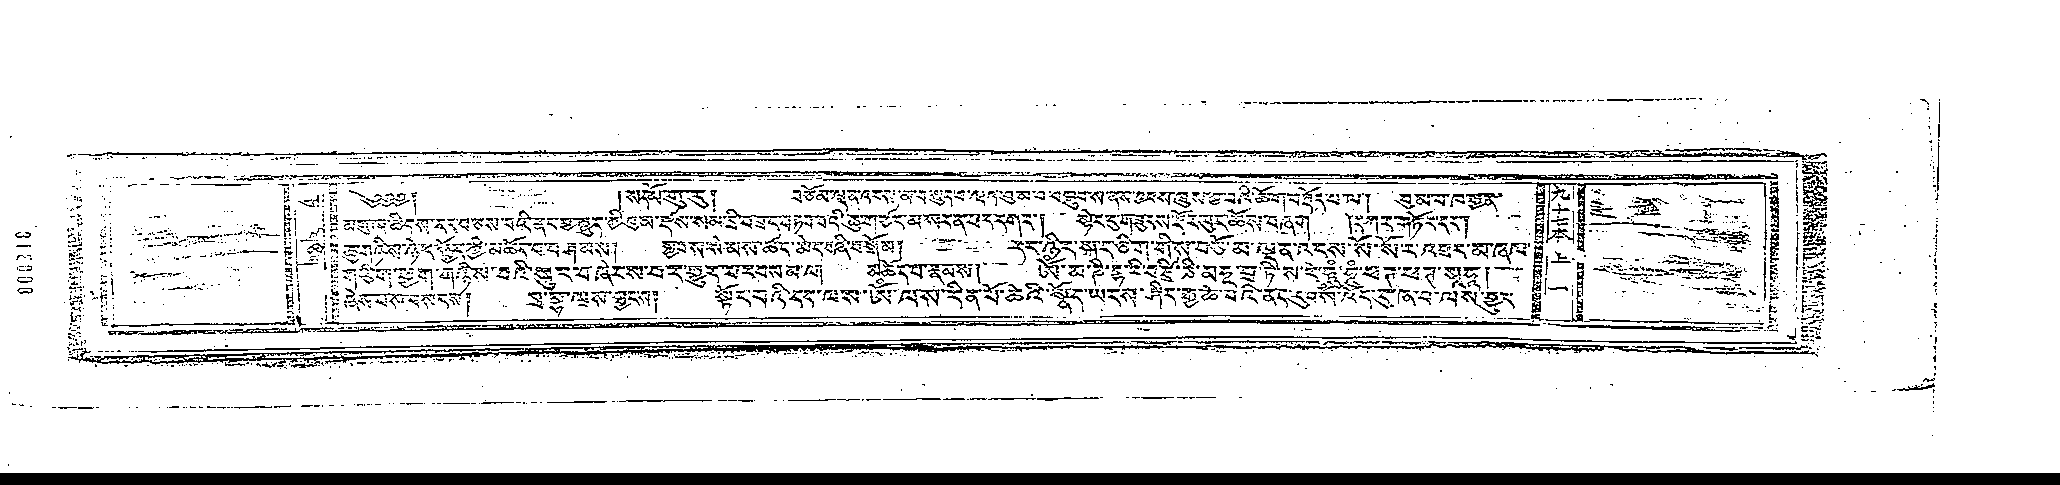༄༅༅། །ན་མོ་གུ་རུ། བཅོམ་ལྡན་འདས་མ་བསྲུང་བ་ལྔའི་བུམ་པ་བསྒྲུབས་ནས་བྱབས་ཁྲུས་བྱ་བའི་ཆོ་ག་བརྗོད་པ་ལ། བུམ་པ་ཁ་རྒྱན་
མགུལ་ཆིངས་དང་བཅས་པའི་ནང་བྱ་རྒྱུད་ཀྱི་བུམ་རྫས་སམ་དྲི་བཟང་བཏབ་པའི་ཆུ་གཙང་མས་རན་བར་དགང་། སྟེང་དུ་གཟུངས་རྡོར་དུང་ཆོས་བཞག །དཀར་གཏོར་དང་།
ཆུ་གཉིས་ཉེར་སྤྱོད་ཀྱི་མཆོད་པ་བཤམས། སྐྱབས་སེམས་ཚད་མེད་བཞི་བསྒོམ། རང་ཉིད་སྐད་ཅིག་གིས་བཅོམ་ལྡན་འདས་སོ་སོར་འབྲང་མ་ཞལ་
གཅིག་ཕྱག་གཉིས་པའི་སྐུར་བཞེངས་པར་གྱུར་པར་བསམ་ལ། མཆོད་པ་རྣམས། ཨོཾ་མ་ཎི་དྷ་རི་བཛྲི་ཎི་མཧཱ་པྲ་ཏི་ས་རེ་ཧཱུཾ་ཧཱུཾ་ཕཊ་ཕཊ་སྭཱ་ཧཱ།
ཞེས་པས་བསངས། སྭ་བྷ་ཝས་སྦྱངས། སྟོང་པའི་དང་ལས་ཨོཾ་ལས་རིན་པོ་ཆེའི་སྣོད་ཡངས་ཤིང་རྒྱ་ཆེ་པའི་ནད་དུ་ཨོཾ་འོད་དུ་ཞུ་བ་ལས་བྱུང་